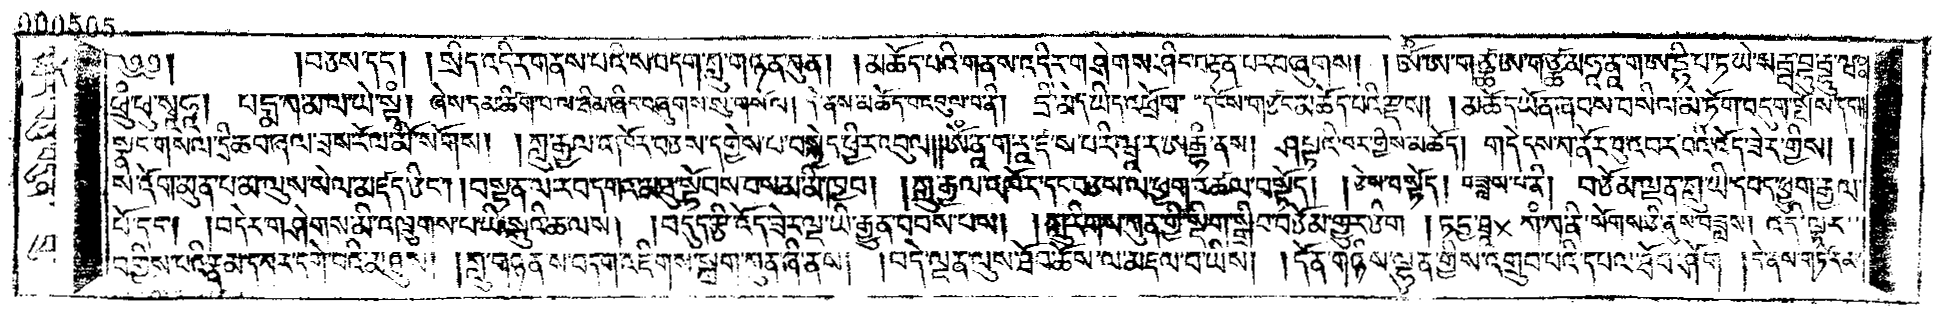༄༅། །བཅས་དང་། །སྲིད་འདིར་གནས་པའི་ས་བདག་ཀླུ་གཉན་ཀུན། །མཆོད་པའི་གནས་འདིར་གཤེགས་ཤིང་བརྟན་པར་བཞུགས། །ཨོཾ་ཨ་གཙྪ་ཨ་གཙྪ་མཧཱ་ནཱ་ག་ཨ་དྷི་པ་ཏ་ཡེ་སརྦྦ་བྷུ་རྦྷུ་ཝཿ
ཕྲུཾ་ཕྲུ་སྭཱཧཱ། པདམ་ཀ་མ་ལ་ཡེ་སྟྭཾ་ཞེས་དམ་ཚིག་པ་ལ་ཐིམ་ཞིང་བཞུགས་སུ་གསོལ། དེ་ནས་མཆོད་པ་འབུལ་བ་ནི། དྲི་མེད་ཡིད་འཕྲོག་དངོས་གཙང་མཆོད་པའི་རྫས།  །མཆོད་ཡོན་ཞབས་བསིལ་མེ་ཏོག་བདུག་སྤོས་དང་།
སྣང་གསལ་དྲི་ཆབ་ཞལ་བྲས་རོལ་མོ་སོགས། །ཀླུ་རྒྱལ་འཁོར་བཅས་དགྱེས་པ་བསྐྱེད་ཕྱིར་འབུལ། །ཨོཾ་ནཱ་ག་རཱ་ཛ་ས་པ་རི་ཝཱ་ར་ཨརྒྷཾ་ནས།  ཤཔྟའི་བར་གྱིས་མཆོད། གདེངས་ཀ་ནོར་བུ་འབར་བའི་འོད་ཟེར་གྱིས། །
ས་འོག་མུན་པ་མ་ལུས་སེལ་མཛད་ཅིང་། །བསྟན་ལ་རབ་དགའ་མཐུ་སྟོབས་བསམ་མི་ཁྱབ། །ཀླུ་རྒྱལ་འཁོར་དང་བཅས་ལ་ཕྱག་འཚལ་བསྟོད། །ཅེས་བསྟོད། བཟླས་པ་ནི།  བཅོམ་ལྡན་ཀླུ་ཡི་དབང་ཕྱུག་རྒྱལ་
པོ་དང་། །བདེར་གཤེགས་མི་འཁྲུགས་པ་ཡི་སྐུའི་ཆ་ལས། །བདུད་རྩི་འོད་ཟེར་ལྔ་ཡི་རྒྱུན་བབས་པས། །ཀླུ་རིགས་ཀུན་གྱི་སྡིག་སྒྲིབ་བཅོམ་གྱུར་ཅིག །ཏདྱ་ཐཱ྾་ཀཾ་ཀ་ནི་སོགས་ཅི་ནུས་བཟླས།  འདི་ལྟར་
བགྱིས་པའི་རྣམ་དཀར་དགེ་བའི་མཐུས། །ཀླུ་གཉན་ས་བདག་འཇིགས་སྐྲག་ཀུན་ཞི་ནས། །བདེ་ལྡན་ལུས་ཐོབ་ཆོས་ལ་མཇལ་བ་ཡིས། །དོན་གཉིས་ལྷུན་གྱིས་འགྲུབ་པའི་དཔལ་ཐོབ་ཤོག །དེ་ནས་གཏོར་མ་